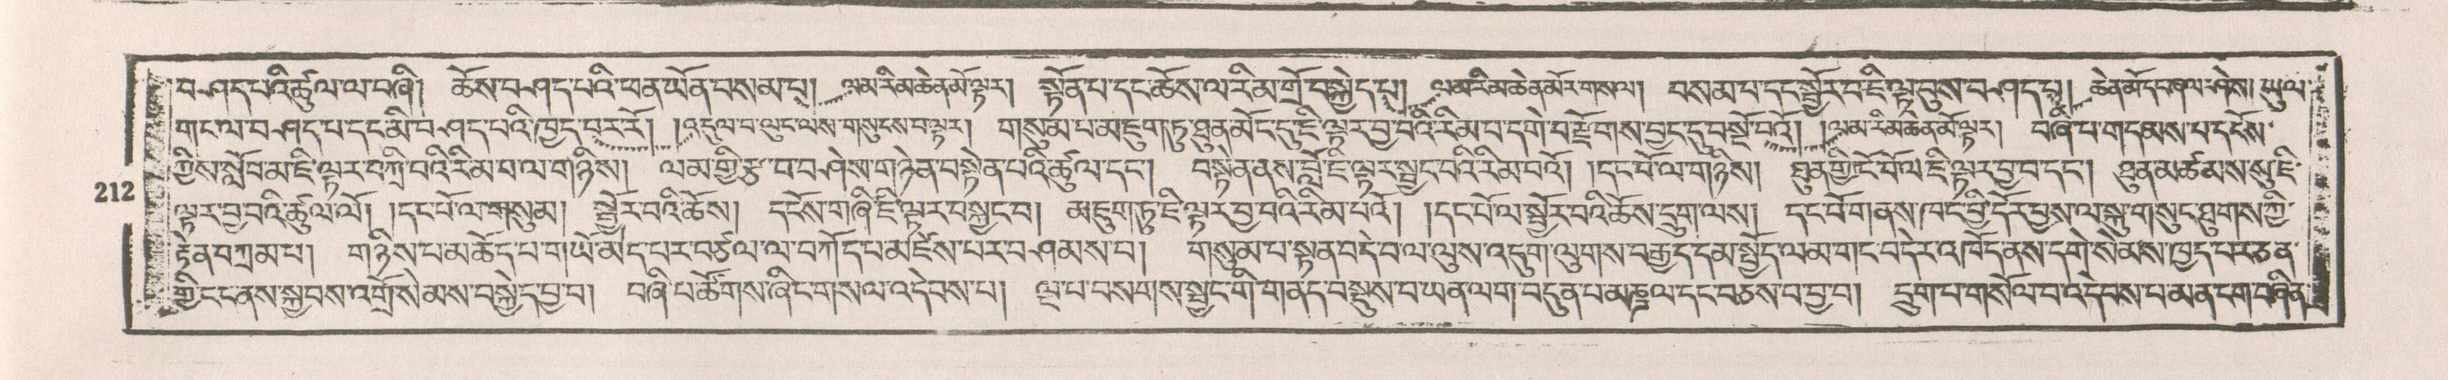བཤད་པའི་ཚུལ་ལ་བཞི། ཆོས་བཤད་པའི་ཕན་ཡོན་བསམ་པ། ལམ་རིམ་ཆེན་མོ་ལྟར།  སྟོན་པ་དང་ཆོས་ལ་རིམ་གྲོ་བསྐྱེད་པ། ལམ་རིམ་ཆེན་མོར་གསལ།  བསམ་པ་དང་སྦྱོར་བ་ཇི་ལྟ་བུས་བཤད་པ། ཆེན་མོ་དང་ཞལ་ཤེས།  ཡུལ་
གང་ལ་བཤད་པ་དང་མི་བཤད་པའི་ཁྱད་པར་རོ། །འདུལ་བ་ལུང་ལས་གསུངས་པ་ལྟར།  གསུམ་པ་འཇུག་ཏུ་ཐུན་མོང་དུ་ཇི་ལྟར་བྱ་བའི་རིམ་པ་དགེ་བ་རྫོགས་བྱང་དུ་བསྔོ་བའོ། ལམ་རིམ་ཆེན་མོ་ལྟར།  བཞི་པ་གདམས་པ་དངོས་
ཀྱིས་སློབ་མ་ཇི་ལྟར་བཀྲི་བའི་རིམ་པ་ལ་གཉིས། ལམ་གྱི་རྩ་བ་བཤེས་གཉེན་བསྟེན་པའི་ཚུལ་དང་། བསྟེན་ནས་བློ་ཇི་ལྟར་སྦྱང་བའི་རིམ་པའོ། །དང་པོ་ལ་གཉིས། ཐུན་གྱི་ངོ་བོ་ལ་ཇི་ལྟར་བྱ་བ་དང་། ཐུན་མཚམས་སུ་ཇི་
ལྟར་བྱ་བའི་ཚུལ་ལོ། །དང་པོ་ལ་གསུམ། སྦྱོར་བའི་ཆོས། དངོས་གཞི་ཇི་ལྟར་བསྐྱང་བ། མཇུག་ཏུ་ཇི་ལྟར་བྱ་བའི་རིམ་པའོ། །དང་པོ་ལ་སྦྱོར་བའི་ཆོས་དྲུག་ལས། དང་པོ་གནས་ཁང་བྱི་དོར་བྱས་ལ་སྐུ་གསུང་ཐུགས་ཀྱི་
རྟེན་བཀྲམ་པ། གཉིས་པ་མཆོད་པ་གཡོ་མེད་པར་བཙལ་ལ་བཀོད་པ་མཛེས་པར་བཤམས་པ། གསུམ་པ་བསྟན་བདེ་བ་ལ་ལུས་འདུག་ལུགས་བརྒྱད་དམ་སྤྱོད་ལམ་གང་བདེར་འཁོད་ནས་དགེ་སེམས་ཁྱད་པར་ཅན་
གྱི་ངང་ནས་སྐྱབས་འགྲོ་སེམས་བསྐྱེད་བྱ་བ། བཞི་པ་ཚོགས་ཞིང་གསལ་འདེབས་པ། ལྔ་པ་བསགས་སྦྱང་གི་གནད་བསྡུས་པ་ཡན་ལག་བདུན་པ་མཎྜལ་དང་བཅས་པ་བྱ་བ། དྲུག་པ་གསོལ་བ་འདེབས་པ་མན་ངག་བཞིན་